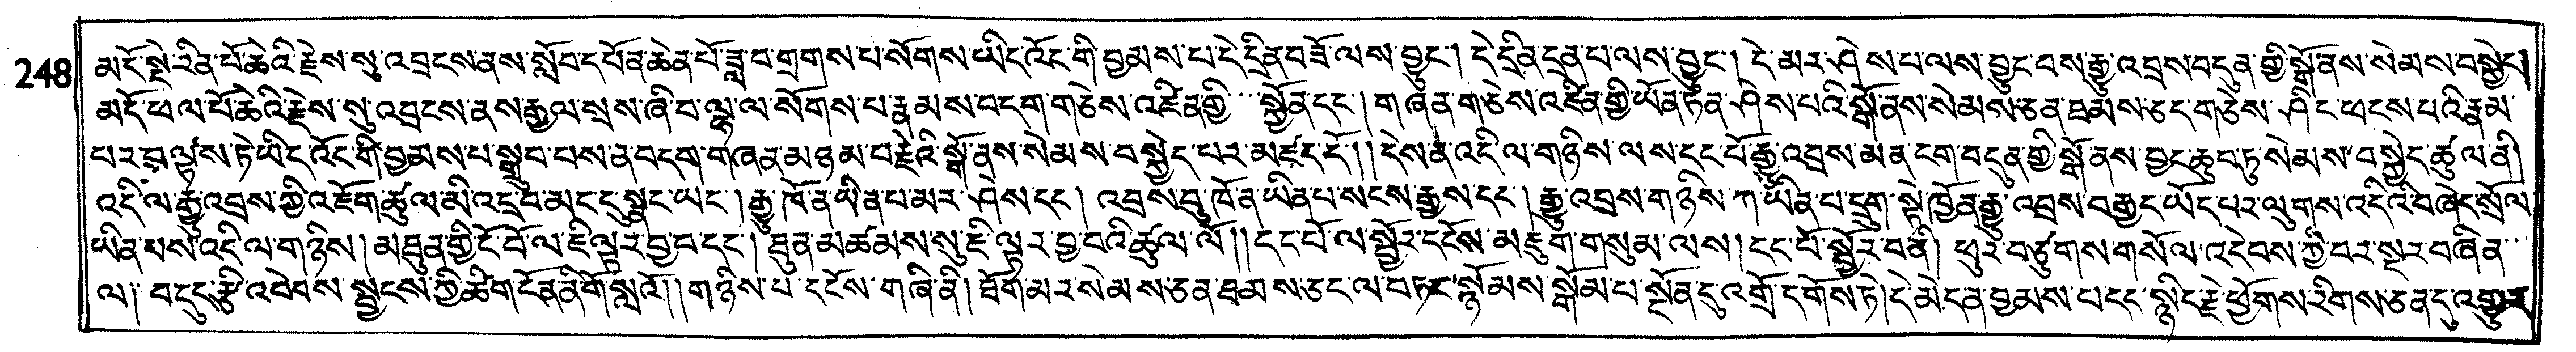མདོ་སྡེ་རིན་པོ་ཆེའི་རྗེས་སུ་འབྲངས་ནས་སློབ་དཔོན་ཆེན་པོ་ཟླ་བ་གྲགས་པ་སོགས་ཡིད་འོང་གི་བྱམས་པ་དེ་དྲིན་བཟོ་ལས་བྱུང་། དེ་དྲིན་དྲན་པ་ལས་བྱུང་། དེ་མར་ཤེས་པ་ལས་བྱུང་བས་རྒྱུ་འབྲས་བདུན་གྱི་སྒོ་ནས་སེམས་བསྐྱེད།
མདོ་ཕལ་པོ་ཆེའི་རྗེས་སུ་འབྲངས་ནས་རྒྱལ་སྲས་ཞི་བ་ལྷ་ལ་སོགས་པ་རྣམས་བདག་གཅེས་འཛིན་གྱི་སྐྱོན་དང་། གཞན་གཅེས་འཛིན་གྱི་ཡོན་ཏན་ཤེས་པའི་སྒོ་ནས་སེམས་ཅན་ཐམས་ཅད་གཅེས་ཤིང་ཕངས་པའི་རྣམ་
པར་བལྟས་ཏེ་ཡིད་འོང་གི་བྱམས་པ་སྒྲུབ་པས་ན་བདག་གཞན་མཉམ་པ་རྗེའི་སྒོ་ནས་སེམས་བསྐྱེད་པར་མཛད་དོ། །དེས་ན་འདི་ལ་གཉིས་ལས་དང་པོ་རྒྱུ་འབྲས་མན་ངག་བདུན་གྱི་སྒོ་ནས་བྱང་ཆུབ་ཏུ་སེམས་བསྐྱེད་ཚུལ་ནི།
འདི་ལ་རྒྱུ་འབྲས་ཀྱི་འཇོག་ཚུལ་མི་འདྲ་བ་མང་དུ་སྣང་ཡང་། རྒྱུ་ཁོ་ན་ཡིན་པ་མར་ཤེས་དང་། འབྲས་བུ་ཁོ་ན་ཡིན་པ་སངས་རྒྱས་དང་། རྒྱུ་འབྲས་གཉིས་ཀ་ཡིན་པ་དྲུག་སྟེ་ཁྱོན་རྒྱུ་འབྲས་བརྒྱད་ཡོད་པར་ལུགས་འདིའི་བཞེད་སྲོལ་
ཡིན་པས་འདི་ལ་གཉིས། མཐུན་གྱི་ངོ་བོ་ལ་ཇི་ལྟར་བྱ་བ་དང་། ཐུན་མཚམས་སུ་ཇི་ལྟར་བྱ་བའི་ཚུལ་ལོ། །དང་པོ་ལ་སྦྱོར་དངོས་མཇུག་གསུམ་ལས། དང་པོ་སྦྱོར་བ་ནི། ཕུར་བཙུགས་གསོལ་འདེབས་ཀྱི་བར་སྔར་བཞིན་
ལ༑ བདུད་རྩི་འབེབས་སྦྱངས་ཀྱི་ཚིག་དོན་ནི་གོ་སླའོ། །གཉིས་པ་དངོས་གཞི་ནི། ཐོག་མར་སེམས་ཅན་ཐམས་ཅད་ལ་བཏང་སྙོམས་སྒོམ་པ་སྔོན་དུ་འགྲོ་དགོས་ཏེ། དེ་མེད་ན་བྱམས་པ་དང་སྙིང་རྗེ་ཕྱོགས་རིགས་ཅན་དུ་འགྱུར་